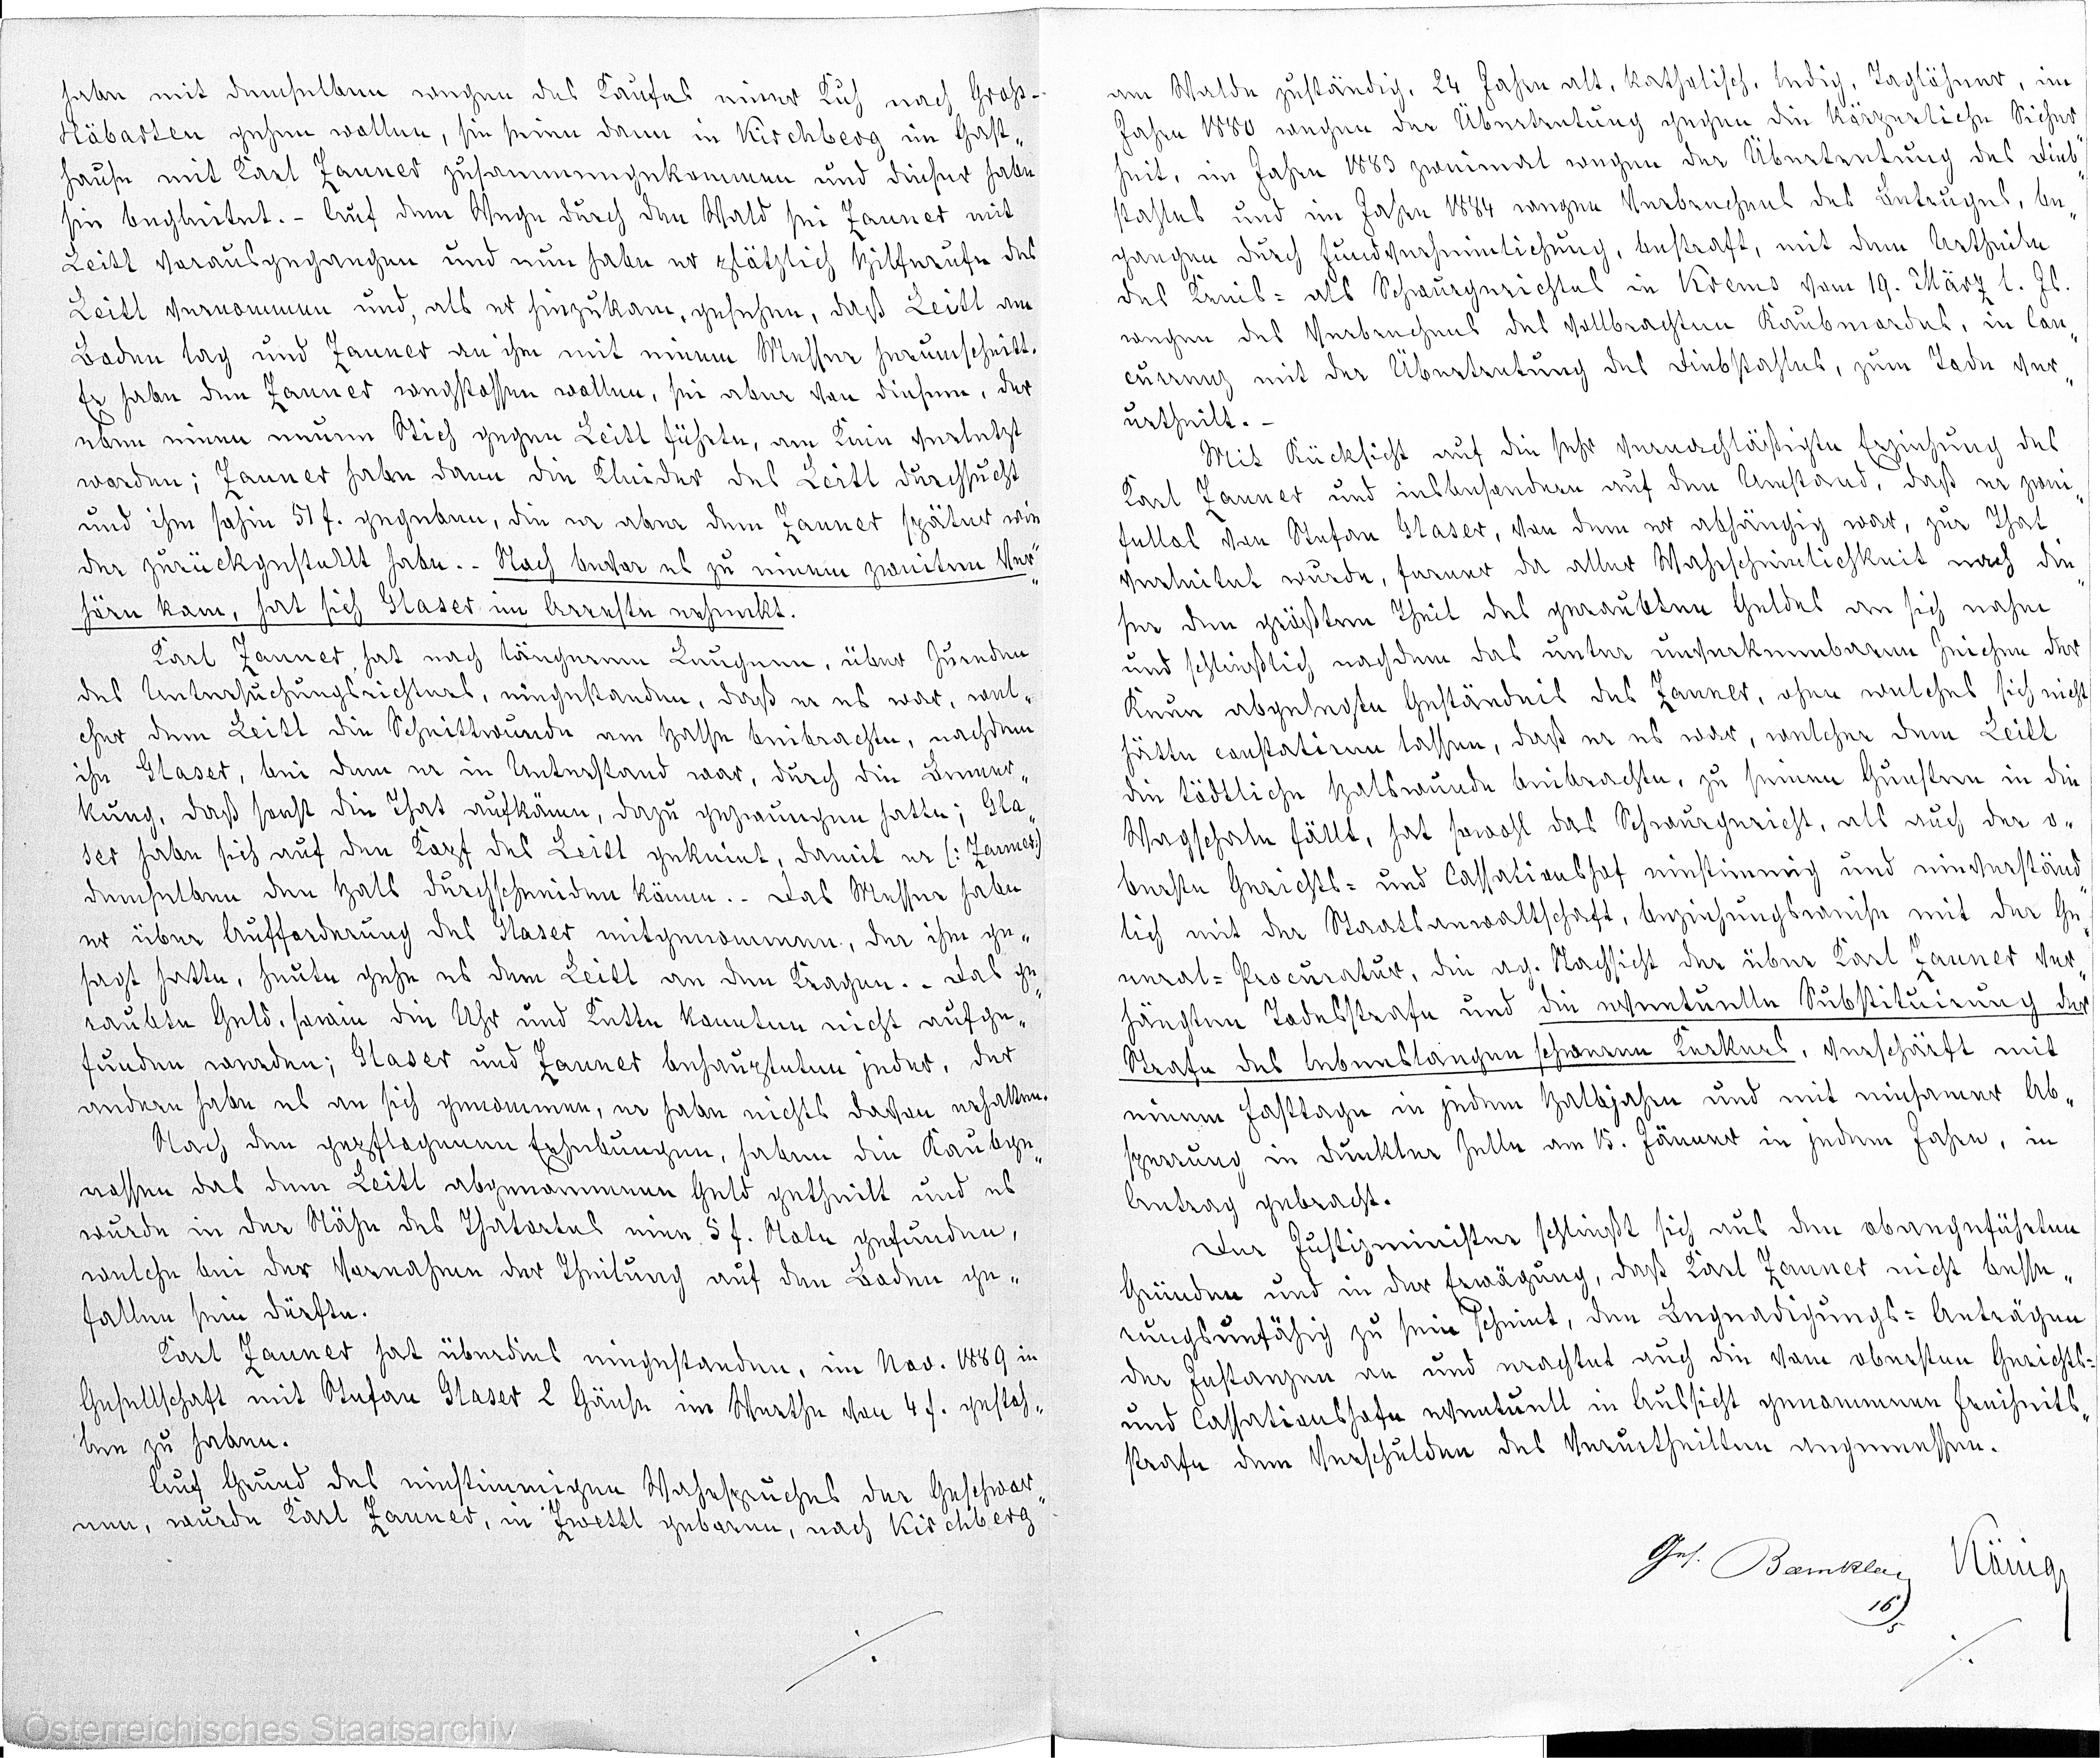haben mit demselben wegen des Kaufes einer Kuh nach Gross -
Höbarten gehen wollen, sie seine dann in Kirchberg im Gast¬
hause mit Karl Zauner zusammengekommen und dieser habe
sie begleitet. - Auf dem Wege durch den Wald sei Zauner mit
Leitl vorausgegangen und nun habe er plötzlich Hilferufe des
Leitl vernommen und, als er hinzukam, gesehen, daß Leitl am
Boden lag und Zauner an ihm mit einem Messer herumscheitt.
Er habe den Zauner wegstossen wollen, sei aber von diesen, der
eben einen neune Stich gegen Leitl führte, am Kein verletzt
worden; Zauner habe dann die Kleider des Leitl durchsucht
und ihm sohin 51. f. gegeben, die er aber dem Zauner später wie
der zurückgestallt habe. - Nach bevor es zu einem zweiten Ver¬
hörn kam, hat sich Glaser im Arreste erhenkt.
Karl Zauner, hat nach längerem Leugnen, über Zureden
des Untersuchungsrichters, eingestanden, daß er es war, wel¬
cher dem Leitl die Schnittwunde am Hasse beitrachte, nachdem
ihn Glaser, bei dem er in Unterstand war, durch die Bemer¬
kung, daß sonst die That aufkäme, dazu gezwungen hatte; Gla¬
ser habe sich auf den Kopf des Leitl gekniet, damit er (: Zauner:)
demselben den Hals durchschneiden könne. - Das Messer habe
er über Aufforderung des Glaser mitgenommen, der ihm ge¬
sagt hatte, heute gehe es dem Leitl an den Kragen. - Das ge¬
raubte Geld. sowie die Uhr und Kette konnten nicht aufge¬
funden werden; Glaser und Zauner behaupteten jeder, der
andern habe es an sich genommen, er habe nichts davon erhalten.
Nach den gepflogenen Erhebungen, haben die Raubge¬
nossen das dem Leitl abgenommene Geld getheilt und es
wurde in der Nähe des Thatortes eine 5 f. Nate gefunden,
welche bei der Vornahme der Theilung auf den Boden ge¬
fallen sein dürfte.
Karl Zauner hat überdies eingestanden, im Nov. 1889 in
Gesellschaft mit Stefan Glaser 2 Gänse im Werthe von 4 f. gestoh¬
len zu haben.
Auf Grund des einstimmigen Wahrspruches der Geschwor¬
nen, wurde Karl Zauner, in Zwettl geboren, nach Kischberg
am Walde zuständig, 24 Jahre alt, katholisch, ledig, Taglöhner, im
Jahre 1880 wegen der Übertretung gegen die körperliche Sicher¬
heit, im Jahre 1883 zweimal wegen der Übertretung des Dieb¬
stahles und im Jahre 1884 wegen Verbrechens des Betruges, be¬
gangen durch Fundverheimlichung, bestraft, mit dem Urtheile
des Kreis = als Schwurgerichtes in Krems vom 19. März 1. Zs.
wegen des Verbrechens des vollbrachten Raubmordes, in Con¬
currenz mit der Übertretung des Diebstahles, zum Tode ver¬
urtheilt. -
Mit Rücksicht auf die sehr vernachläßigte Erziehung des
Karl Zauner und insbesondere auf den Umstand, daß er zwei¬
fellos von Stefan Glaser, von dem er abhängig war, zur That
verleitet wurde, ferner der aller Wahrscheinlichkeit nach die¬
ser dem größten Theil des geraubten Geldes an sich nahm
und schließlich nachdem das unter unverkennbaren Zeichen der
Keun abgelegte Geständnis des Zauner, ohne welches sich nicht
hätte constatiren lassen, daß er es war, welche dem Leitl
die tödtliche Halswunde beibrachte, zu seinen Gunsten in die
Wagschale fällt, hat sowohl das Schwurgericht, als auch der o¬
berste Gerichts = und Cassationshof einstimmig und einverständ¬
lich mit der Staatsanwaltschaft, beziehungsweise mit der Ge¬
neral = Procuratur, die ag. Nachsicht der über Karl Zauner ver¬
hängten Todesstrafe und die eventuelle Substituirung der
Strafe des lebenslangen schweren Kerkers, verschärft mit
einem Fasttage in jedem Halbjahre und mit einsamer Ab¬
sperrung in Dunkler Zelle am 15. Jänner in jedem Jahr, in
Antrag gebracht.
Der Justizminister schließt sich aus dem ob angeführten
Gründen und in der Erwägung, daß Karl Zauner nicht besse¬
rungsunfähig zu sein scheint, den Begnadigungs = Anträgen
der Zustanzen er und erachtet auch die vom obersten Gerichts¬
und Cassationshofe eventuell in Aussicht genommene Freiheits¬
strafe dem Verschulden des Verurtheilten angemessen.
Ges. Barnklai König
16